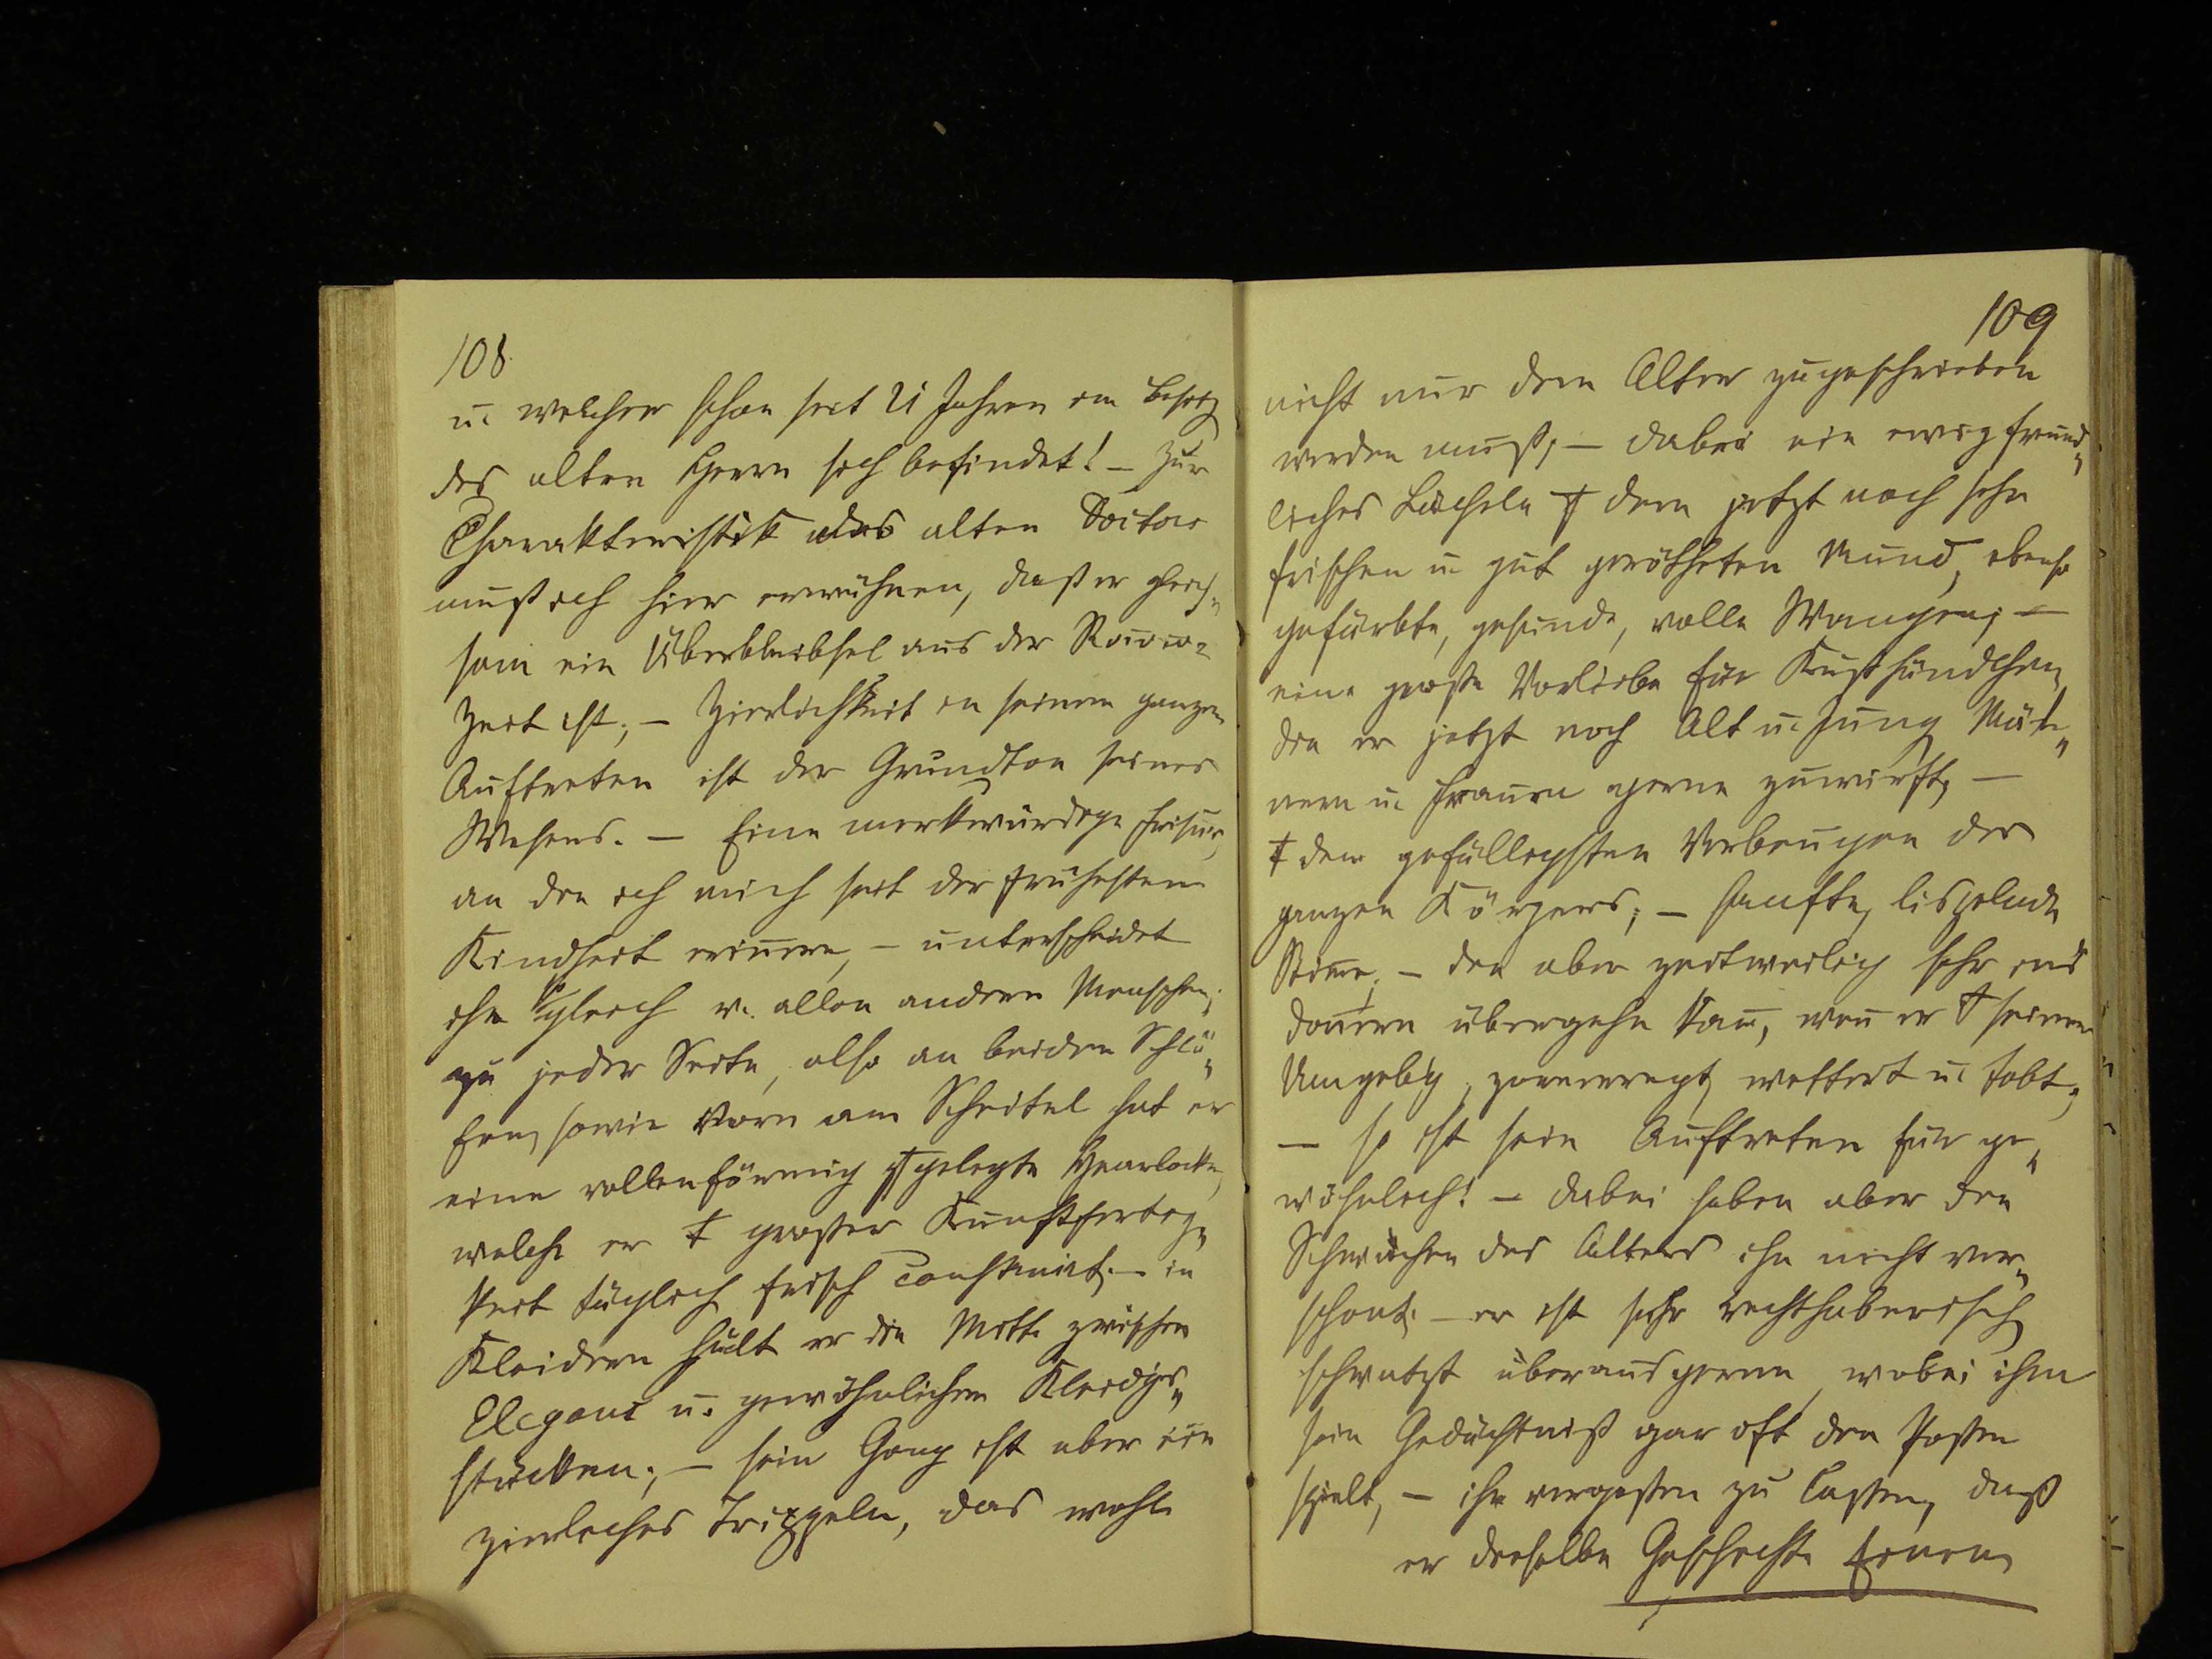108
und welcher schon seit 21 Jahren im Besitz
des alten Herrn sich befindet ! - Zur
Charakteristik des alten Doctors
muß ich hier erwähnen, daß er gleich¬
sam ein Überbleibsel aus der Reiviver
Zeit ist,- Zierlichkeit in seinem ganzen
Auftreten ist der Grundthon seines
Wesens.- Eine merkwürdige Frisur
an die ich mich seit der frühesten
Kindheit erinnere,- unterscheidet
ihn sogleich von allen anderen Menschen;-
Zu jeder Seite, also an beiden Schlä¬
fen sowie vorn am Scheitel hat er
eine wellenförmige aufgelegte Haar locke
welche er mit großer Kunstfertig¬
keit täglich frisch construirte .- in
Kleidern hält er die Mitte zwischen
Eleganz Und gewöhnlichen Kleidungs¬
stücken;- sein Gang ist aberein
ziemliches Trippeln, das wohl
109
nicht nur dem Alter zugeschrieben
werden mußte;- dabei ein ewig freund¬
liches Lächeln mit dem jetzt noch sehr
frischen und gut gewölbten Mund, ebenso
gefärbte , gesunde, volle Wangen—
eine große Vorliebe für Kusshändchen
die er jetzt noch Alt und Jung, Mädch¬
en und Frauen gerne zuwirft,-
mit den gefäligsten Verbeugenen des
ganzen Körpers;- sanfte, lispelnde
Stimme;- die aber zeitweilig sehr ins
donnern übergehen kann,- wenn er mit seiner
Umgebung zornerregt, wettert und tobt;
- so ist sein Auftreten für ge¬
wöhnlich;-Dabei haben aber die
Schwächen des Alters ihn nicht ver¬
schont - er ist sehr rechthaberisch,
schwatzt überaus gerne, wobei ihm
sein Gedächtnis gar oft den Poßen
spielt, -ihn vergessen zu lassen, das
er dieselbe Geschichte eben